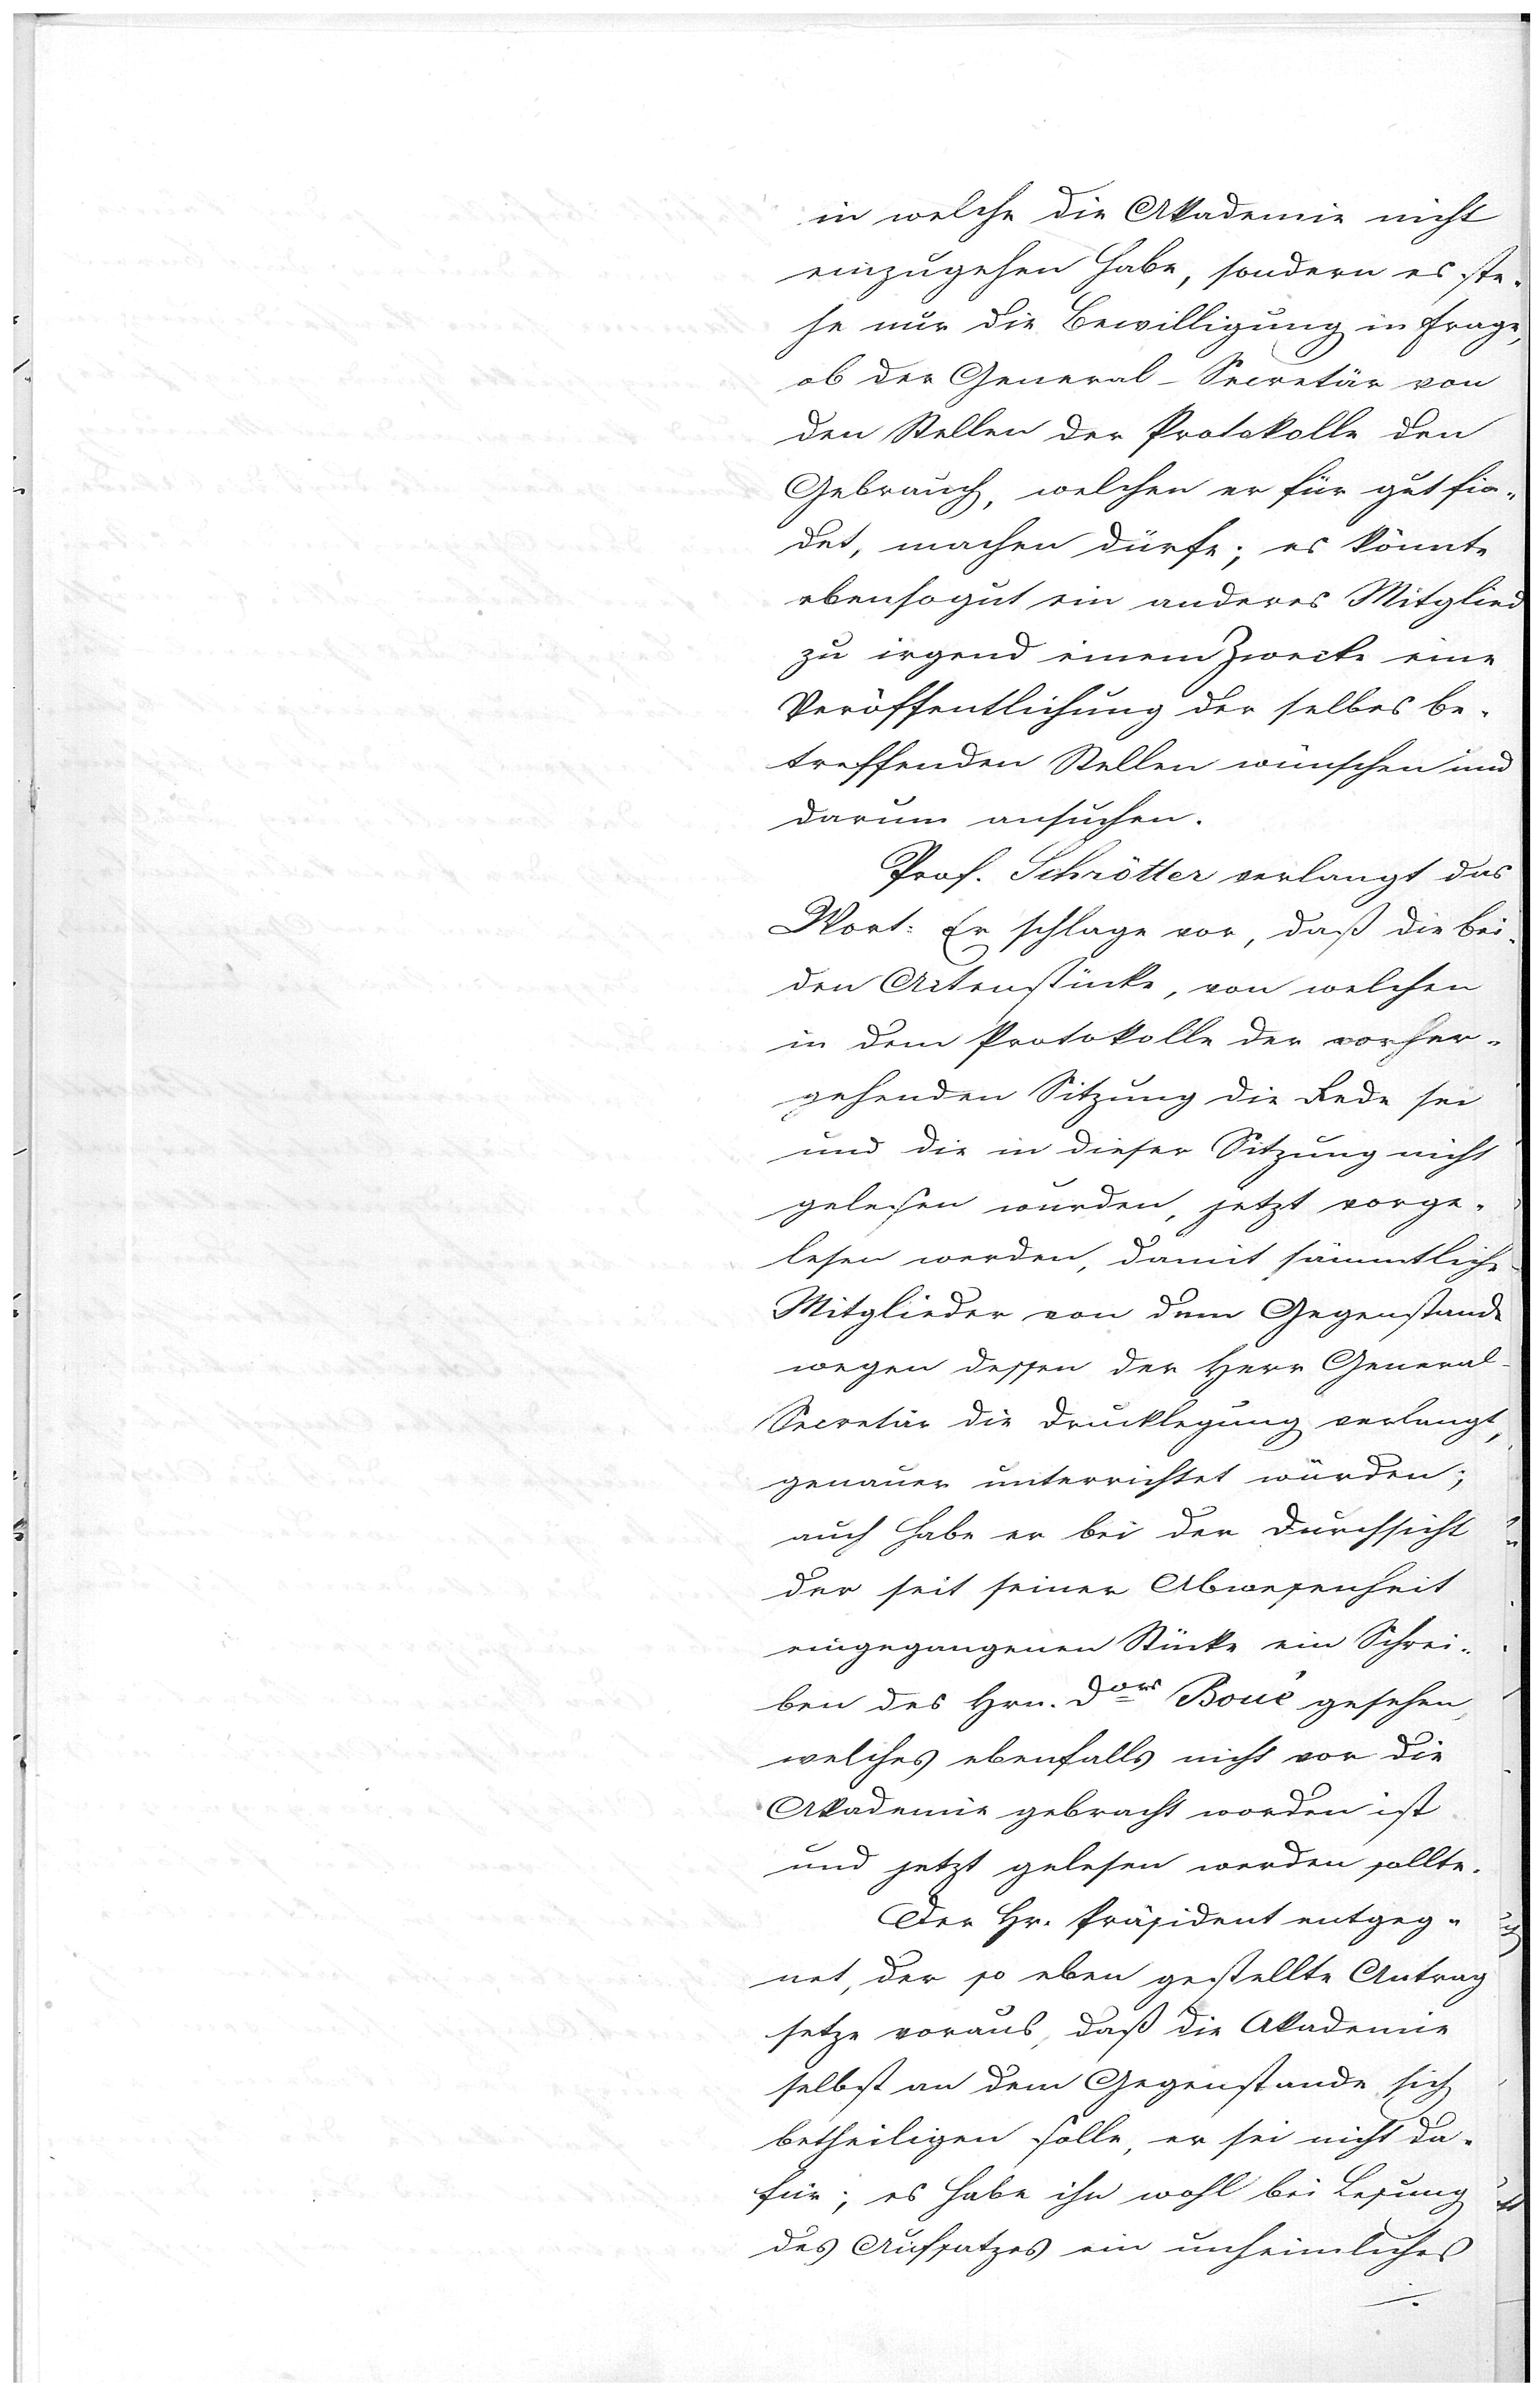in welche die Akademie nicht
einzugehen habe, sondern es ste-
he nur die Bewilligung in Frage,
ob der General-Secretär von
den Stellen der Protokolle den
Gebrauch, welchen er für gut fin-
det, machen dürfe; Es könnte
ebensogut ein anderes Mitglied
zu irgend einem Zwecke eine
Veröffentlichung der selbes be-
treffenden Stellen wünschen und
darum ansuchen.
Prof. Schrötter verlangt das
Wort: Er schlage vor, daß die bei-
den Actenstücke, von welchen
in dem Protokolle der vorher-
gehenden Sitzung die Rede sei
und die in dieser Sitzung nicht
gelesen wurden, jetzt vorge-
lesen werden, damit sämmtliche
Mitglieder von dem Gegenstande
wegen dessen der Herr General-
Secretär die Drucklegung verlangt,
genauer unterrichtet würden;
auch habe er bei der Durchsicht
der seit seiner Abwesenheit
eingegangenen Stücke ein Schrei-
ben des Hrn. Dor Boué gesehen
welches ebenfalls nicht vor die
Akademie gebracht worden ist
und jetzt gelesen werden sollte.
Der Hr. Präsident entgeg-
net, der so eben gestellte Antrag
setze voraus, daß die Akademie
selbst an dem Gegenstande sich
betheiligen solle, er sei nicht da-
für; es habe ihn wohl bei Lesung
des Aufsatzes ein unheimliches